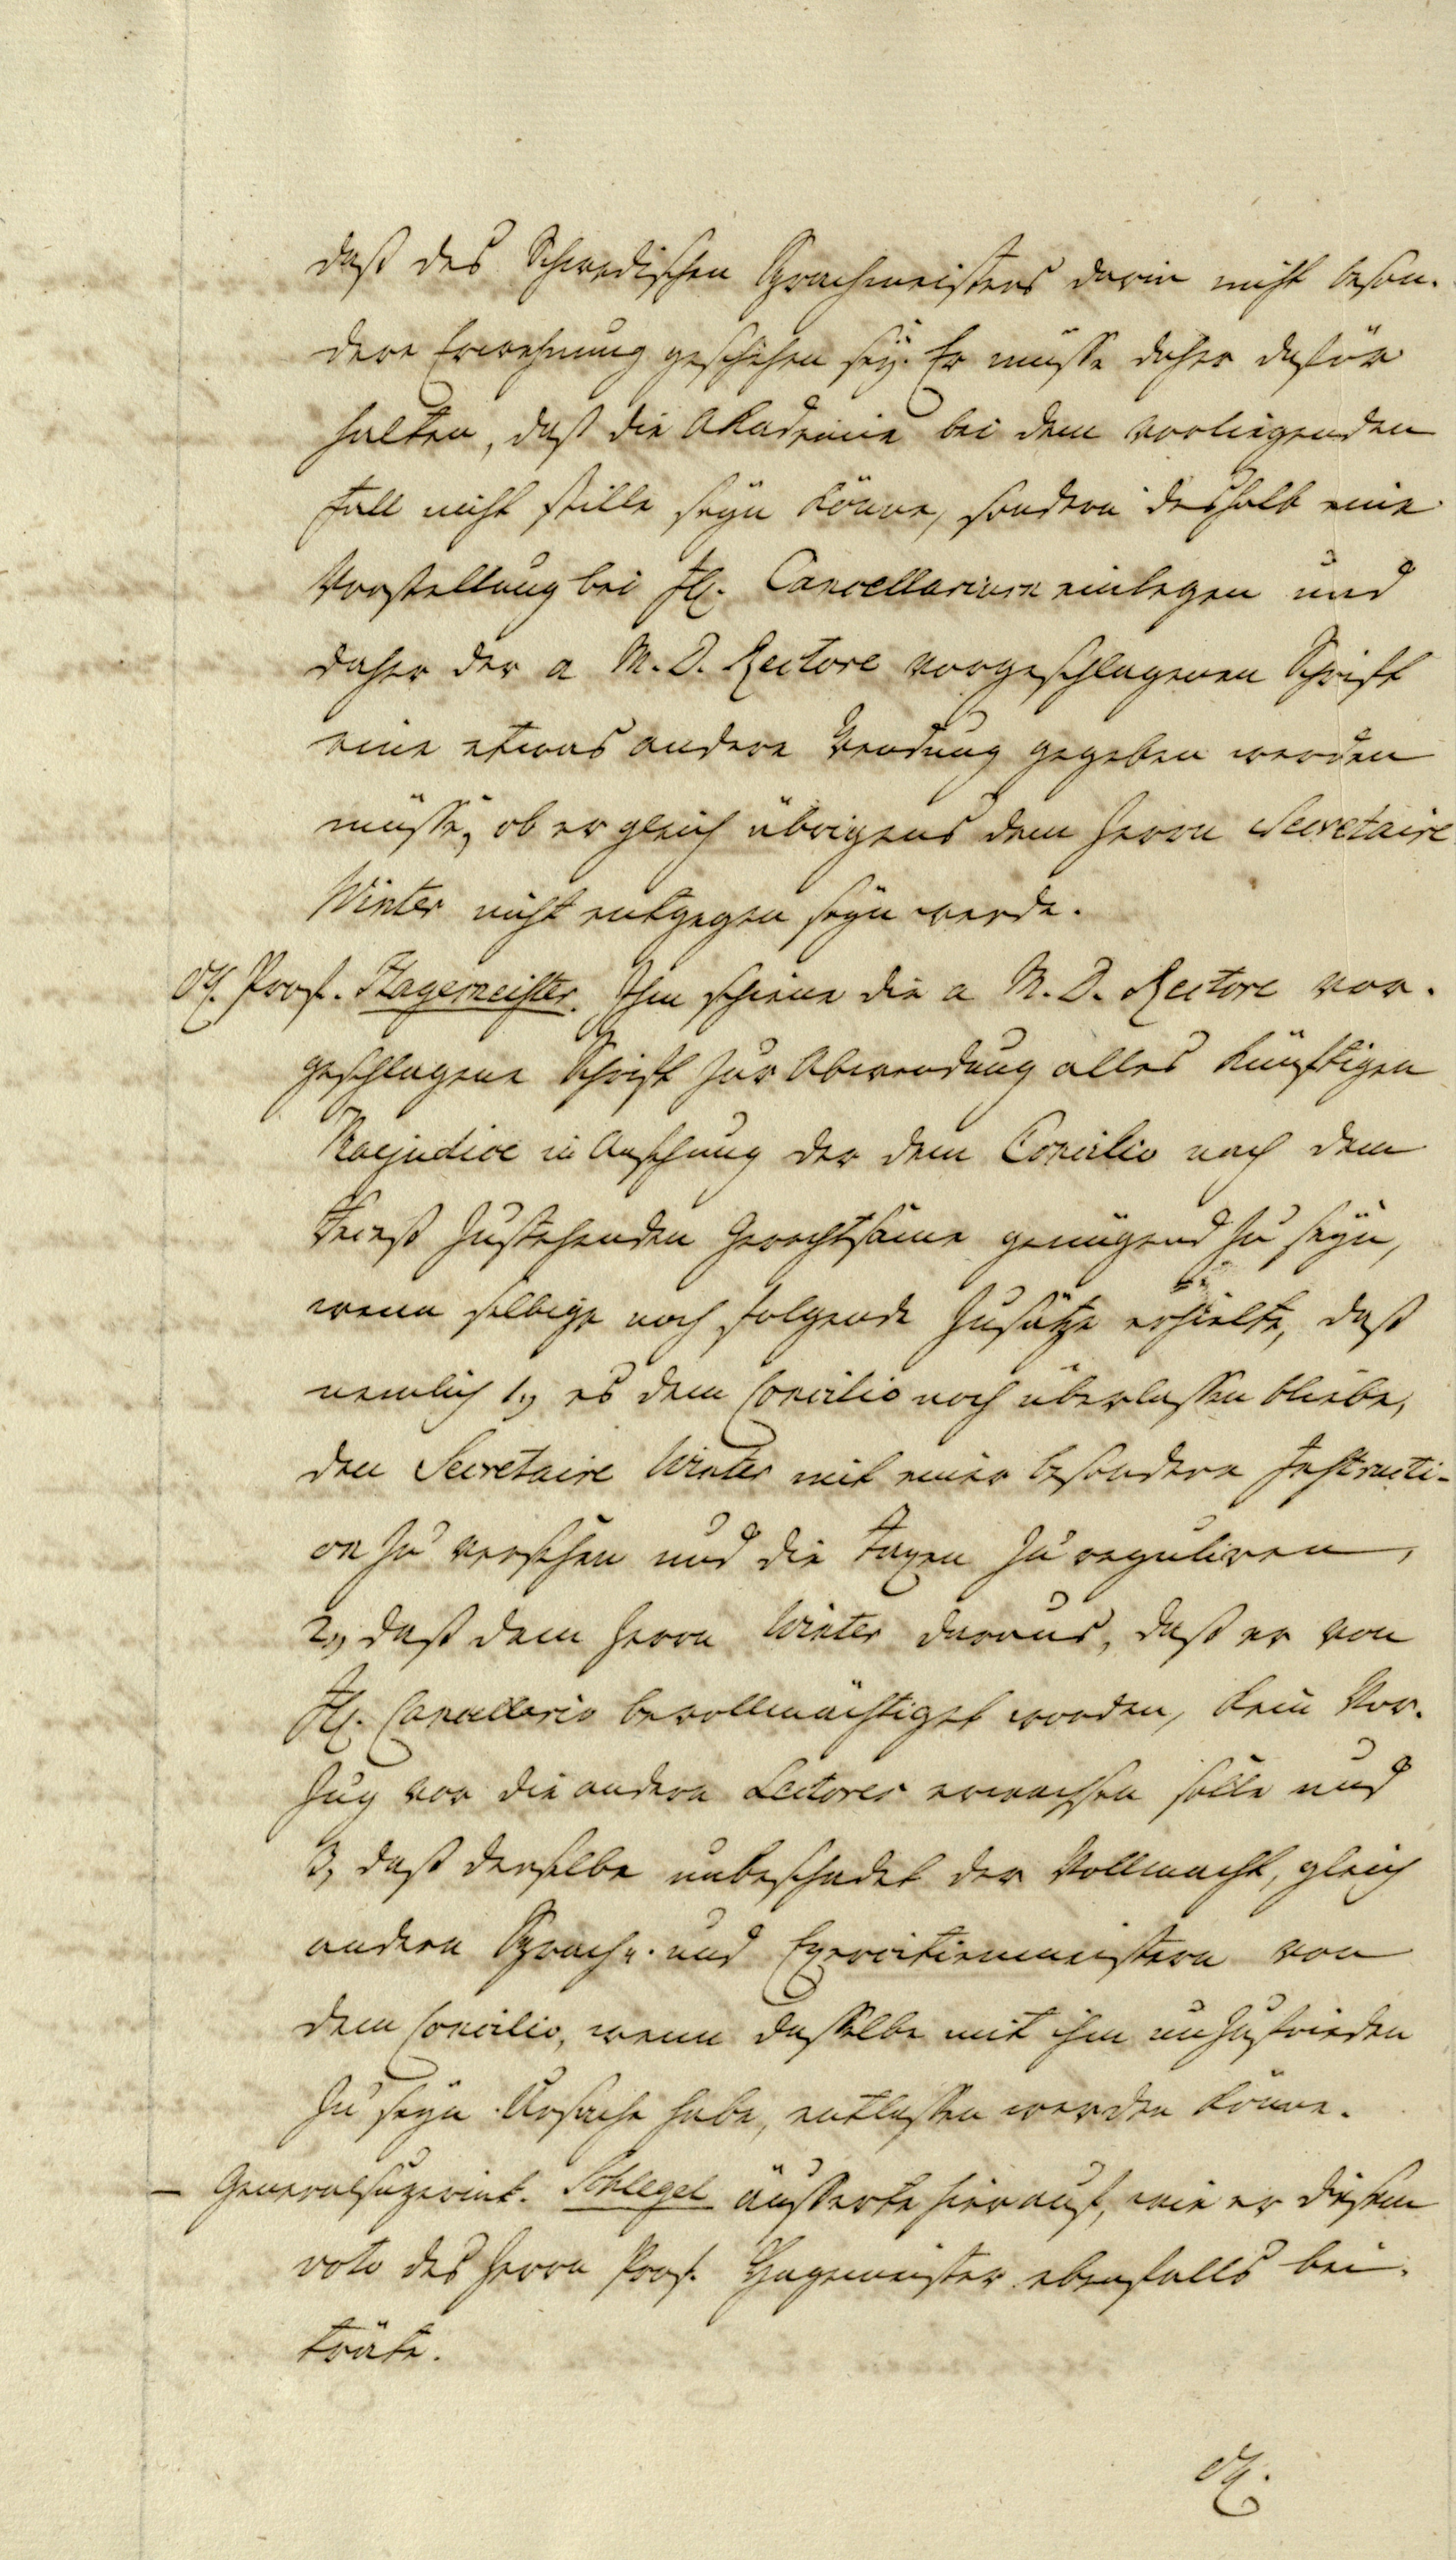daß des Schwedischen Sprachmeisters darin nicht beson¬
dere Erwehnung geschehen seÿ. Er müsse daher dafür
halten, daß die Akademie bei dem vorliegenden
Fall nicht stille seÿn könne, sondern deshalb eine
Vorstellung bei Ill. Cancellarium einlegen und
daher der a M. D. Rectore vorgeschlagenen Schrift
eine etwas andere Wendung gegeben werden
müsse, ob er gleich übrigens dem Herrn Secretaire
Winter nicht entgegen seÿn werde.
dh. Prof. Hagemeister. Ihm schiene die a M. D. Rectore vor¬
geschlagene Schrift zur Abwendung alles künftigen
Praejudice in Ansehung der dem Concilio nach dem
Receß zustehenden Gerechtsame genügend zu seÿn,
wenn selbige noch folgende Zusätze erhielte, daß
nemlich 1., es dem Concilio noch überlassen bliebe,
den Secretaire Winter mit einer besondern Instructi¬
on zu versehen und die Taxen zureguliren,
2., daß dem herrn Winter daraus, daß er von
Ill. Cancellario bevollmächtiget worden, kein Vor¬
zug vor die andern Lectores erwachsen solle und
3., daß derselbe unbeschadet der Vollmacht, gleich
andern Sprach- und Exercitienmeistern von
dem Concilio, wenn dasselbe mit ihm unzufrieden
zu seÿn Ursache habe, entlassen werden könne.
Generalsuperint. Schlegel äusserte hierauf, wie er diesem
voto des Herrn Prof. Hagemeister ebenfalls bei¬
träte.
dh.